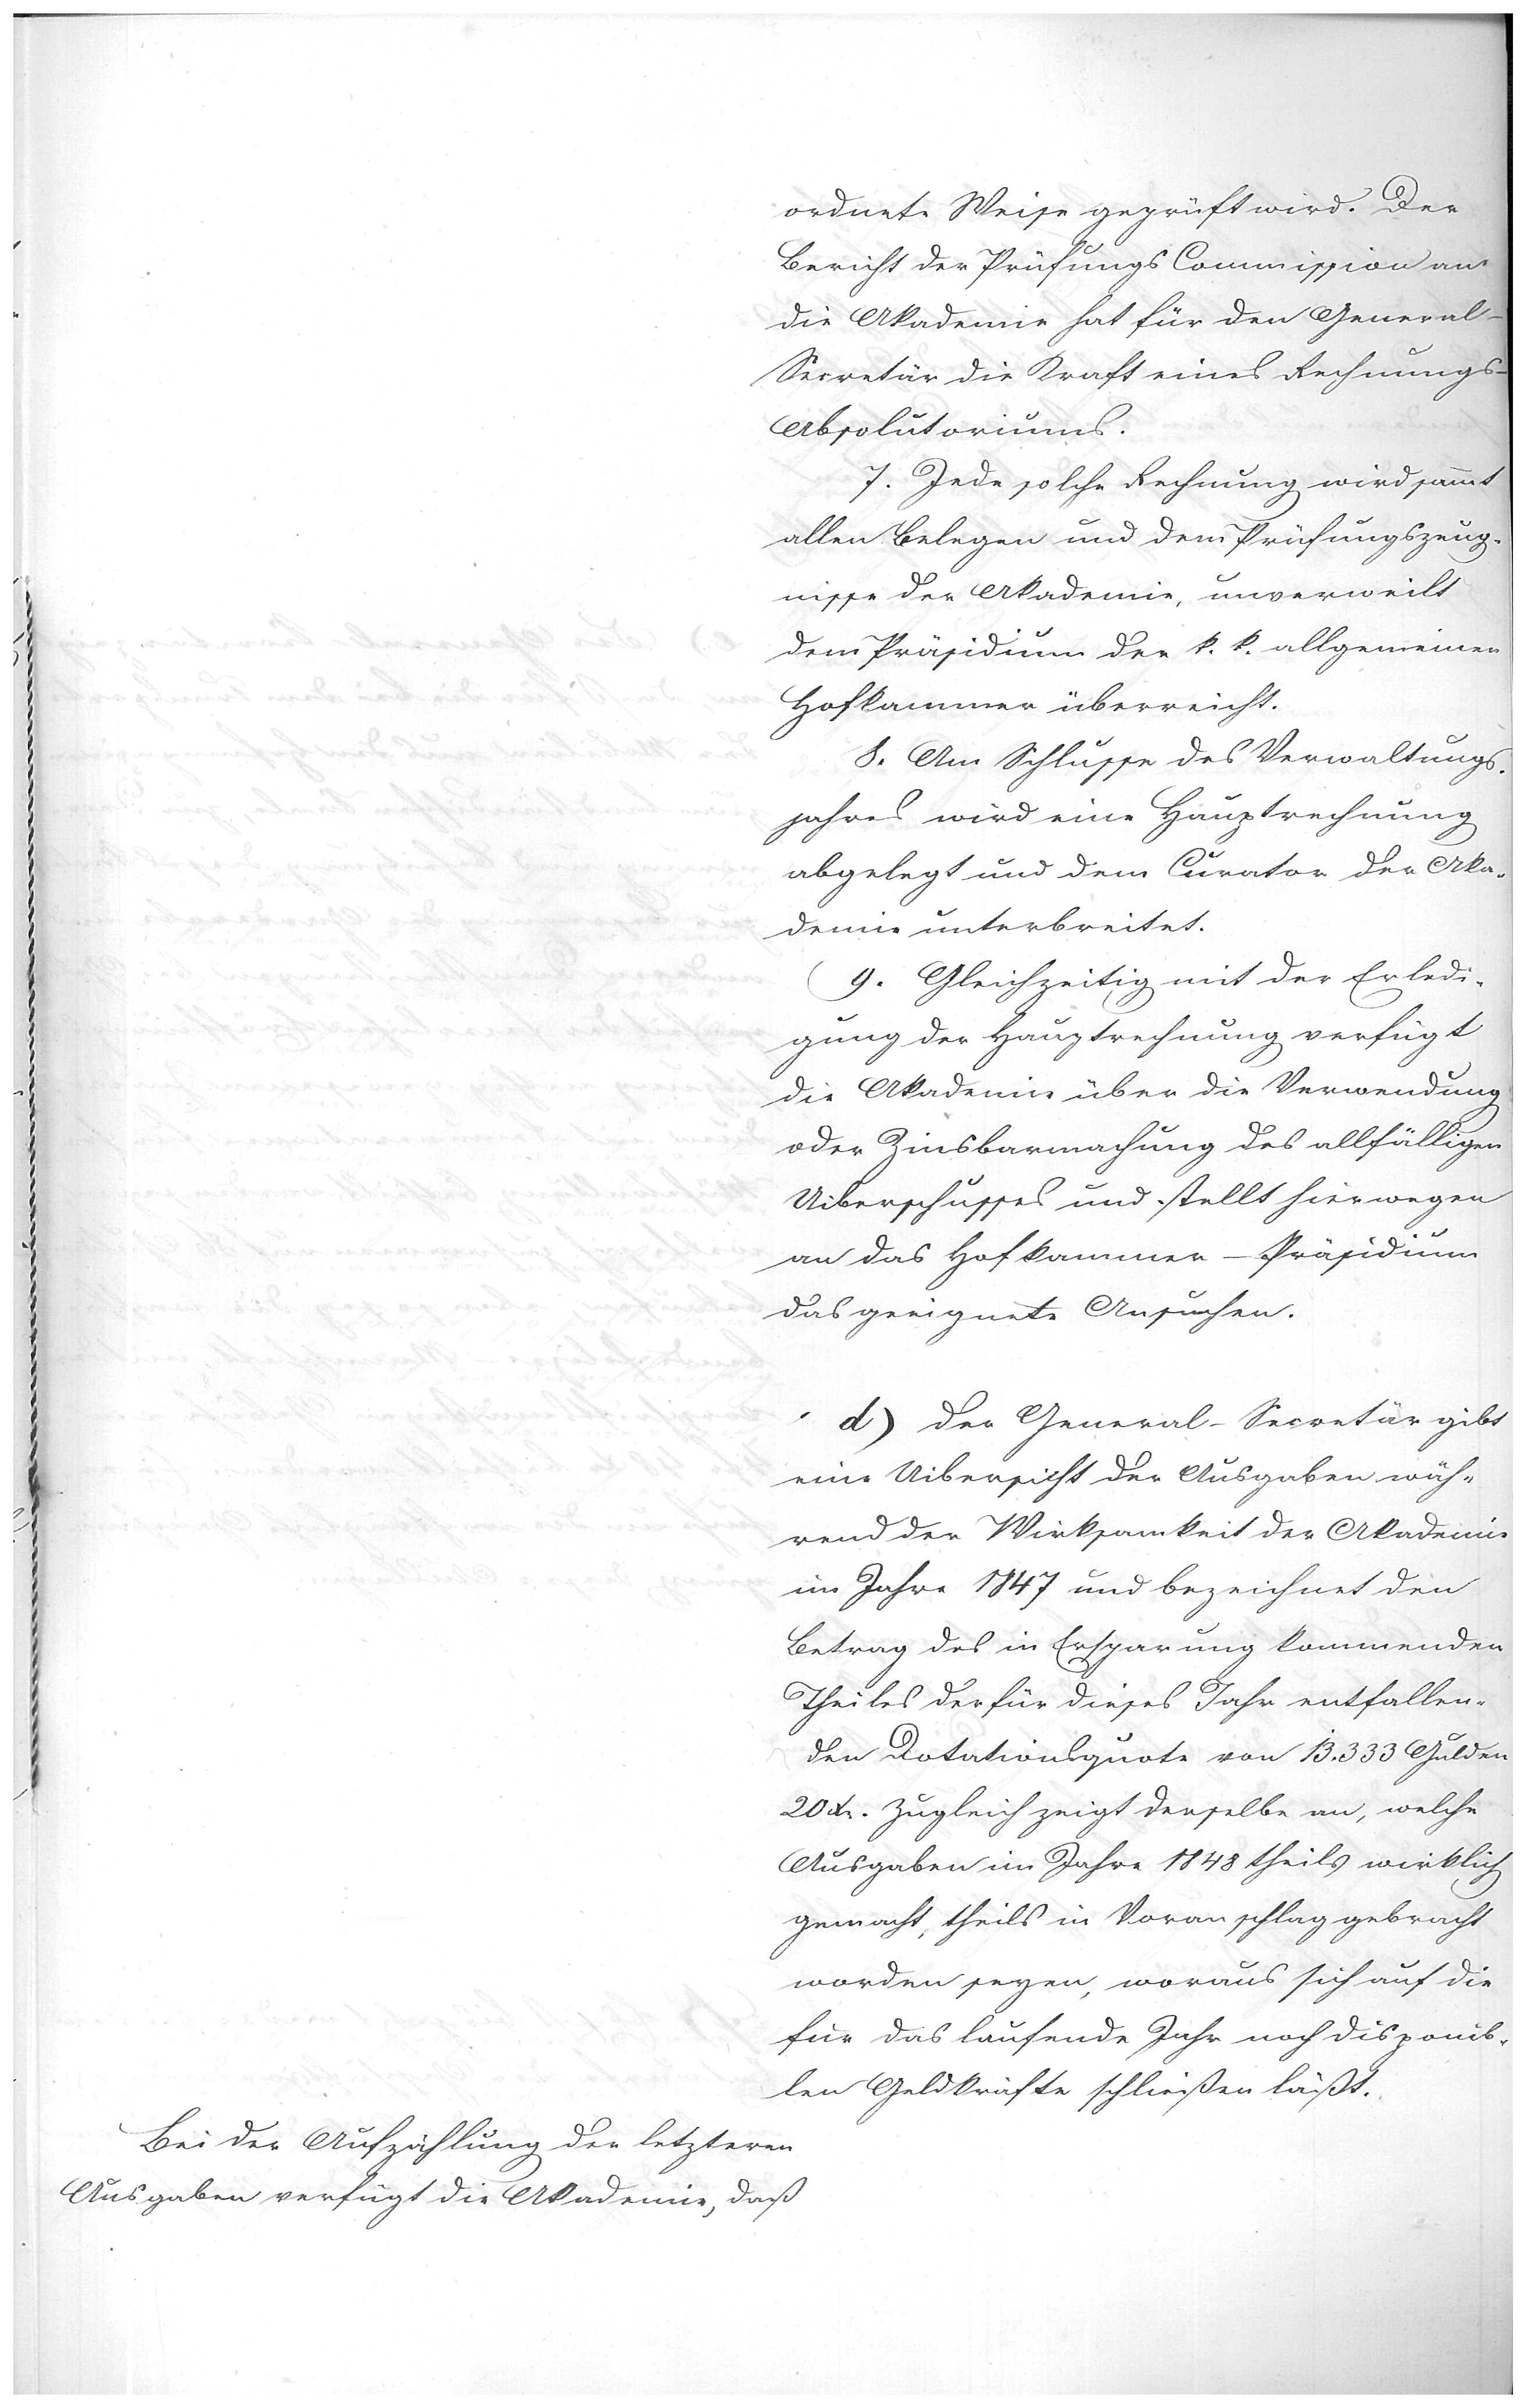ordnete Weise gegrüft wird. Der
Bericht der PrüfungsCommission an
die Akademie hat für den General-
Secretär die Kraft eines Rechnungs-
Absolutoriums.
7. Jede solche Rechnung wird sammt
allein Belegen und dem Prüfungszeug-
nisse der Akademie, unverweilt
dem Präsidium der k.k. allgemeinen
Hofkammer überreichte.
8. Am Schlusse: des Verwaltungs-
jahres wird eine Haunptrechnung
abgelegt und dem Curator der Aka-
demie unterbreitet.
9. Gleichzeitig mit der Erledi-
gung der Hauptrechnung verfügt
die Akademie über die Verwendung
oder Zinsbarmachung des allfälligen
Uiberschusses und stellt hierwegen
an das Hofkammer-Präsidium
das geeignete Ansuchen.
d) der General-Secretär gibt
eine Uibersicht der Ausgaben wäh-
rend der Wirksamkeit der Akademie
im Jahre 1847 und bezeichnet den
Betrag des in Ersparung kommenden
Theiles der für dieses Jahr entfallen-
den Dotationsquote von 13.333 Gulden
20 kr. Zugleich zeigt derselbe an, welche
Ausgaben in Jahre 1848 theils wirklich
gemacht, theils in Voranschlag gebracht
worden seyen, woraus sich auf die
für das laufende Jahr noch disponib-
len Geldkräfte schließen läßt.
Bei der Aufzählung der letzteren
Ausgaben verfügt die Akademie, daß